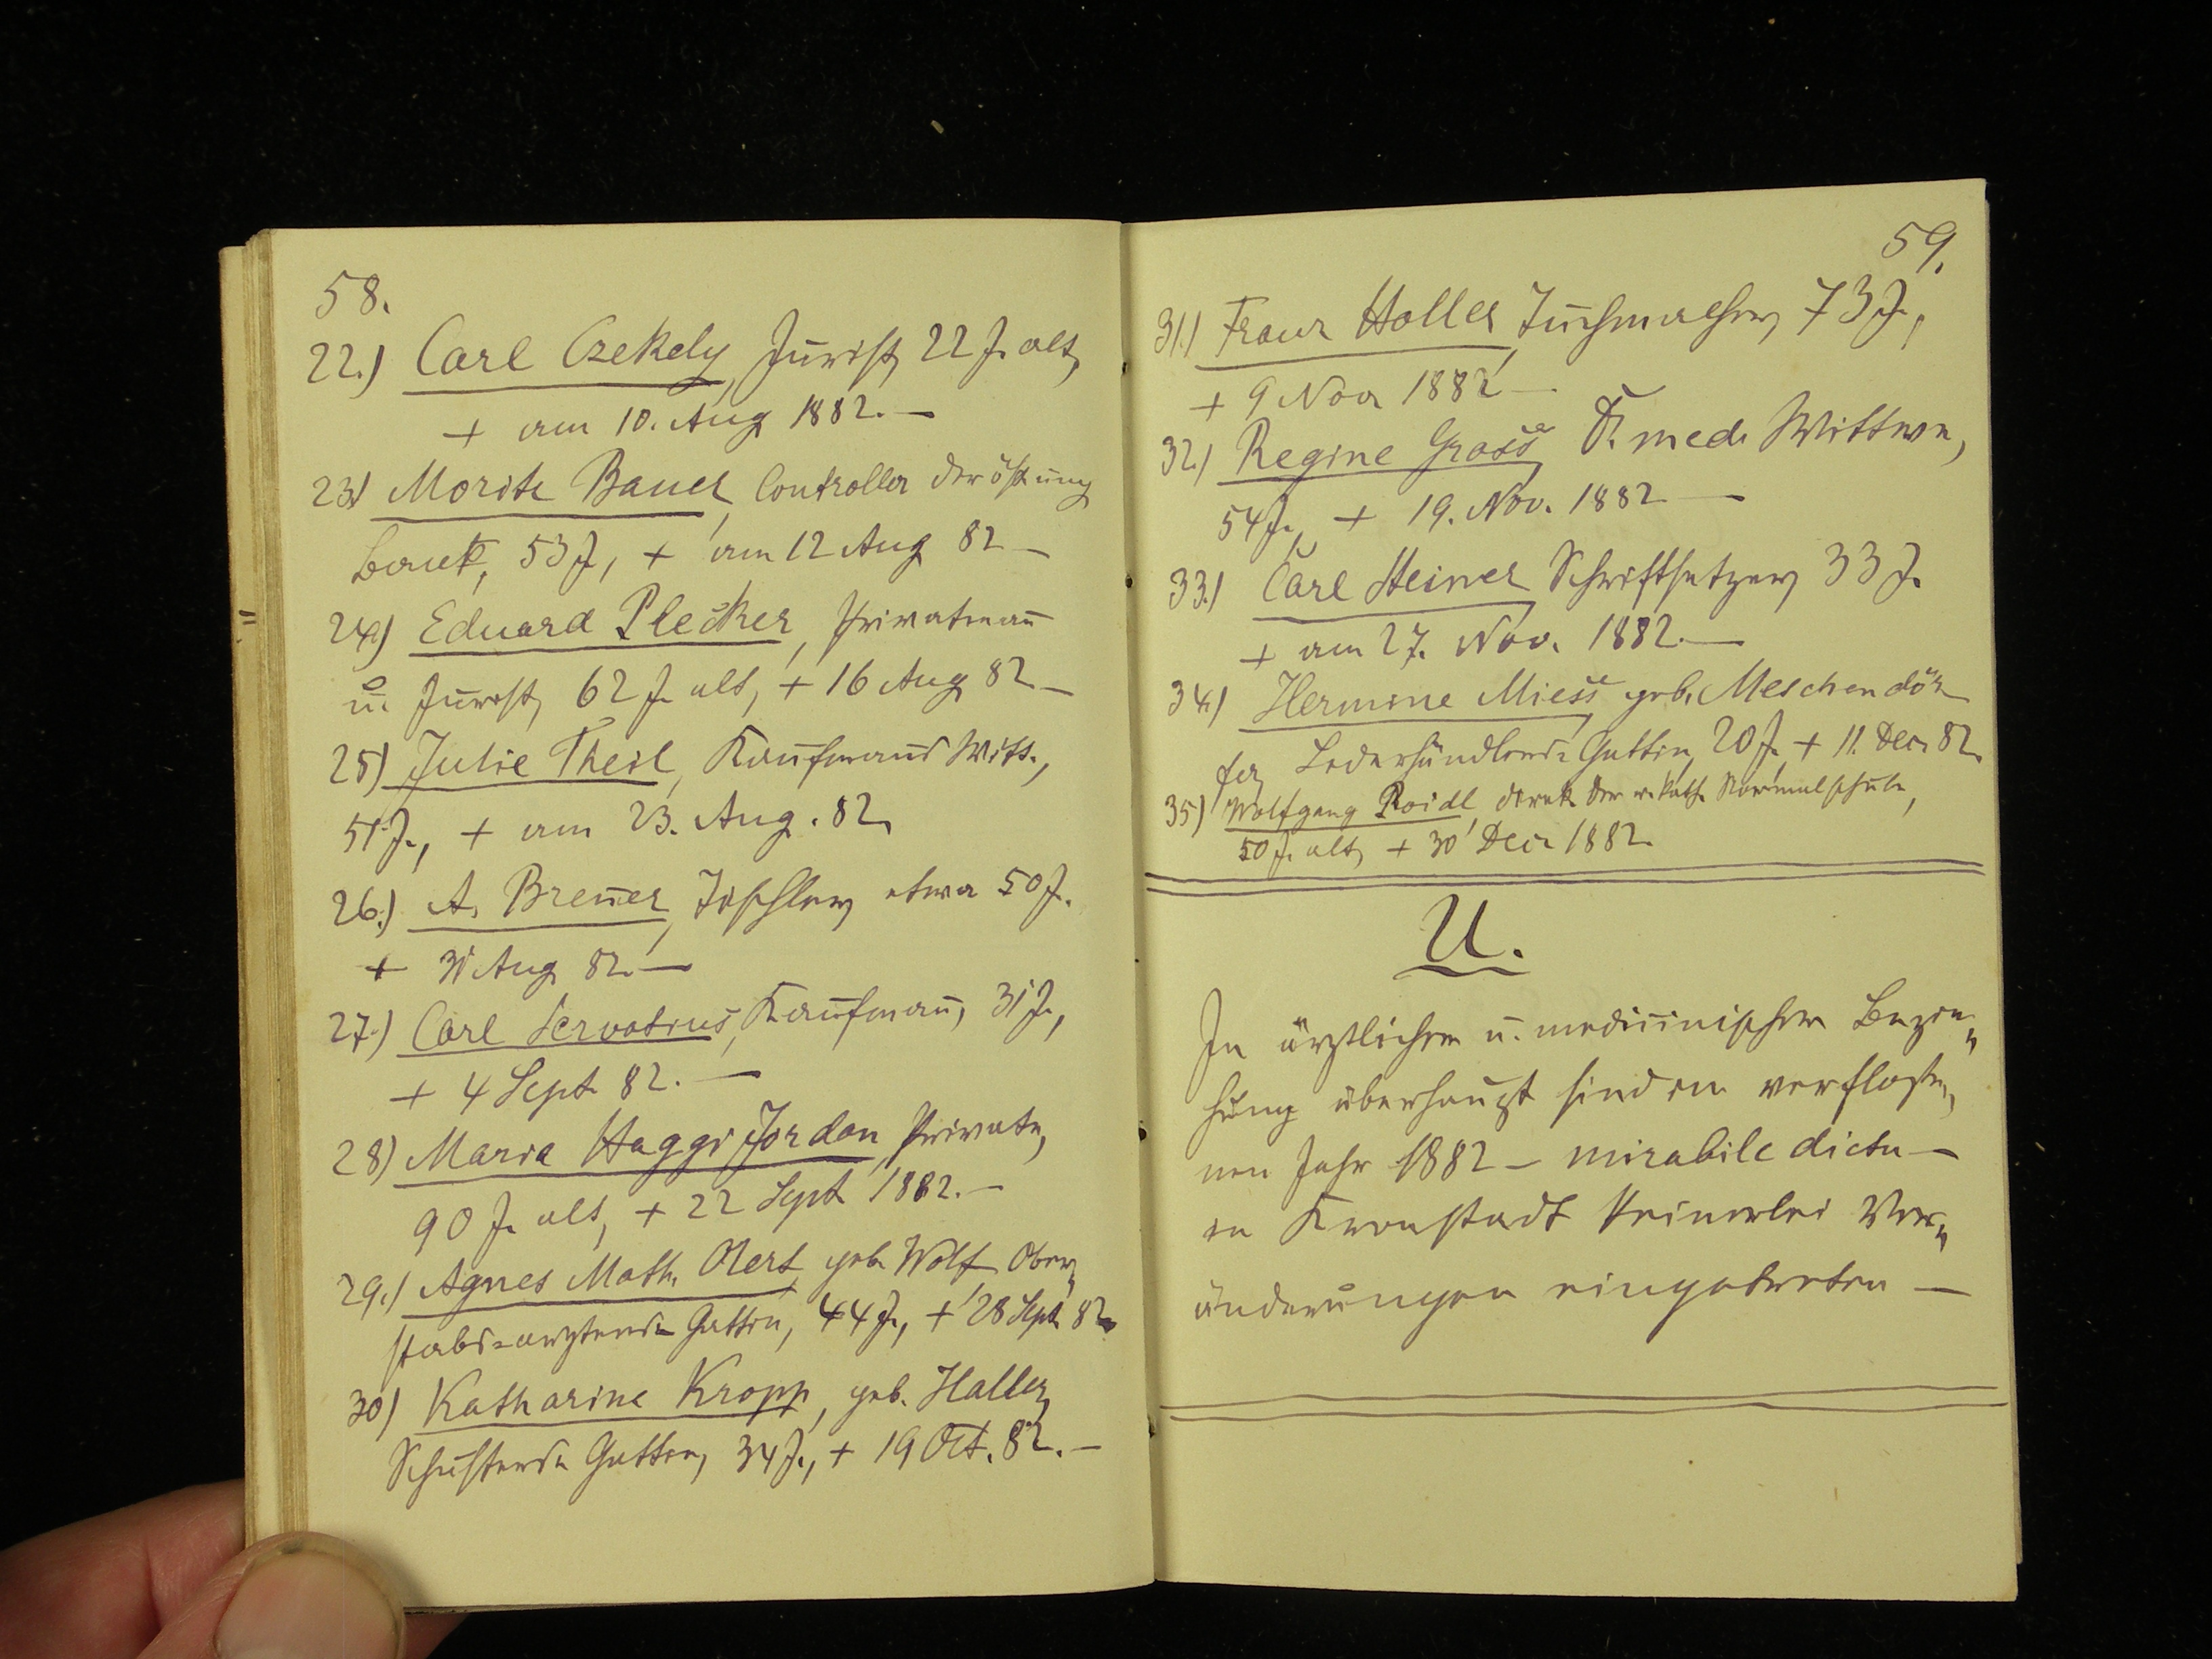58
22.) Carl Czekely, Jurist 22 J. alt
am 10 Aug. 82
23.) Moritz Bauer, Controller der öster.
Bank 53 J. am12 Aug. 82
24.) Eduard Plecker, Priwatmann
Jurist, 62 J. alt am16 Aug. 82
25.) Julie Theil, kaufmanns Witwe,
51 J. alt + am23 Aug. 82
26.) A. Breuer, Tischler, etwa 50 J. alt
+ am 31 Aug. 82
27.) Carl Servatius, Kaufmann, 31 J.
alt + am 4 Sept. 82
28.) Maria Haggi Jordan, Privatier,
90 J. alt, + am 22 Sept. 82
29.) Agnes Math. Olert, geb. Wolf, Ober-
stabs-ß.. Gattin, 44 J. alt + am 28 Septem. 82
30.) Katherina Kropp, geb. Haller,
Schusters Gattin 34 J.19. Oct. 82
59
31.) Franz Stoller, Tuchmacher, 73 J. alt
am 9 Nov. 82
32.) Regine Grosser, Dr. med. Witwe
54 J. am 19 Nov. 82
33.) Carl Heiner, Schriftsetzer, 33 J.
am 27 Nov. 82
34.) Hermine Miess, geb. Meschendör¬
fer, Lederhändler Gattin, 20 J. am 11 Dec. 82
35.) Wolfgang Roidl, Direkto der katholischen Normalschule,
50 J. alt am 30 Dec. 82
U
In ärztlicher und medizinischer Bezie¬
hung überhaupt sind im vergange¬
nen Jahr 1882 –mirabile dictu¬
in Kronstadt keinerlei Ver¬
änderungen eingetreten—